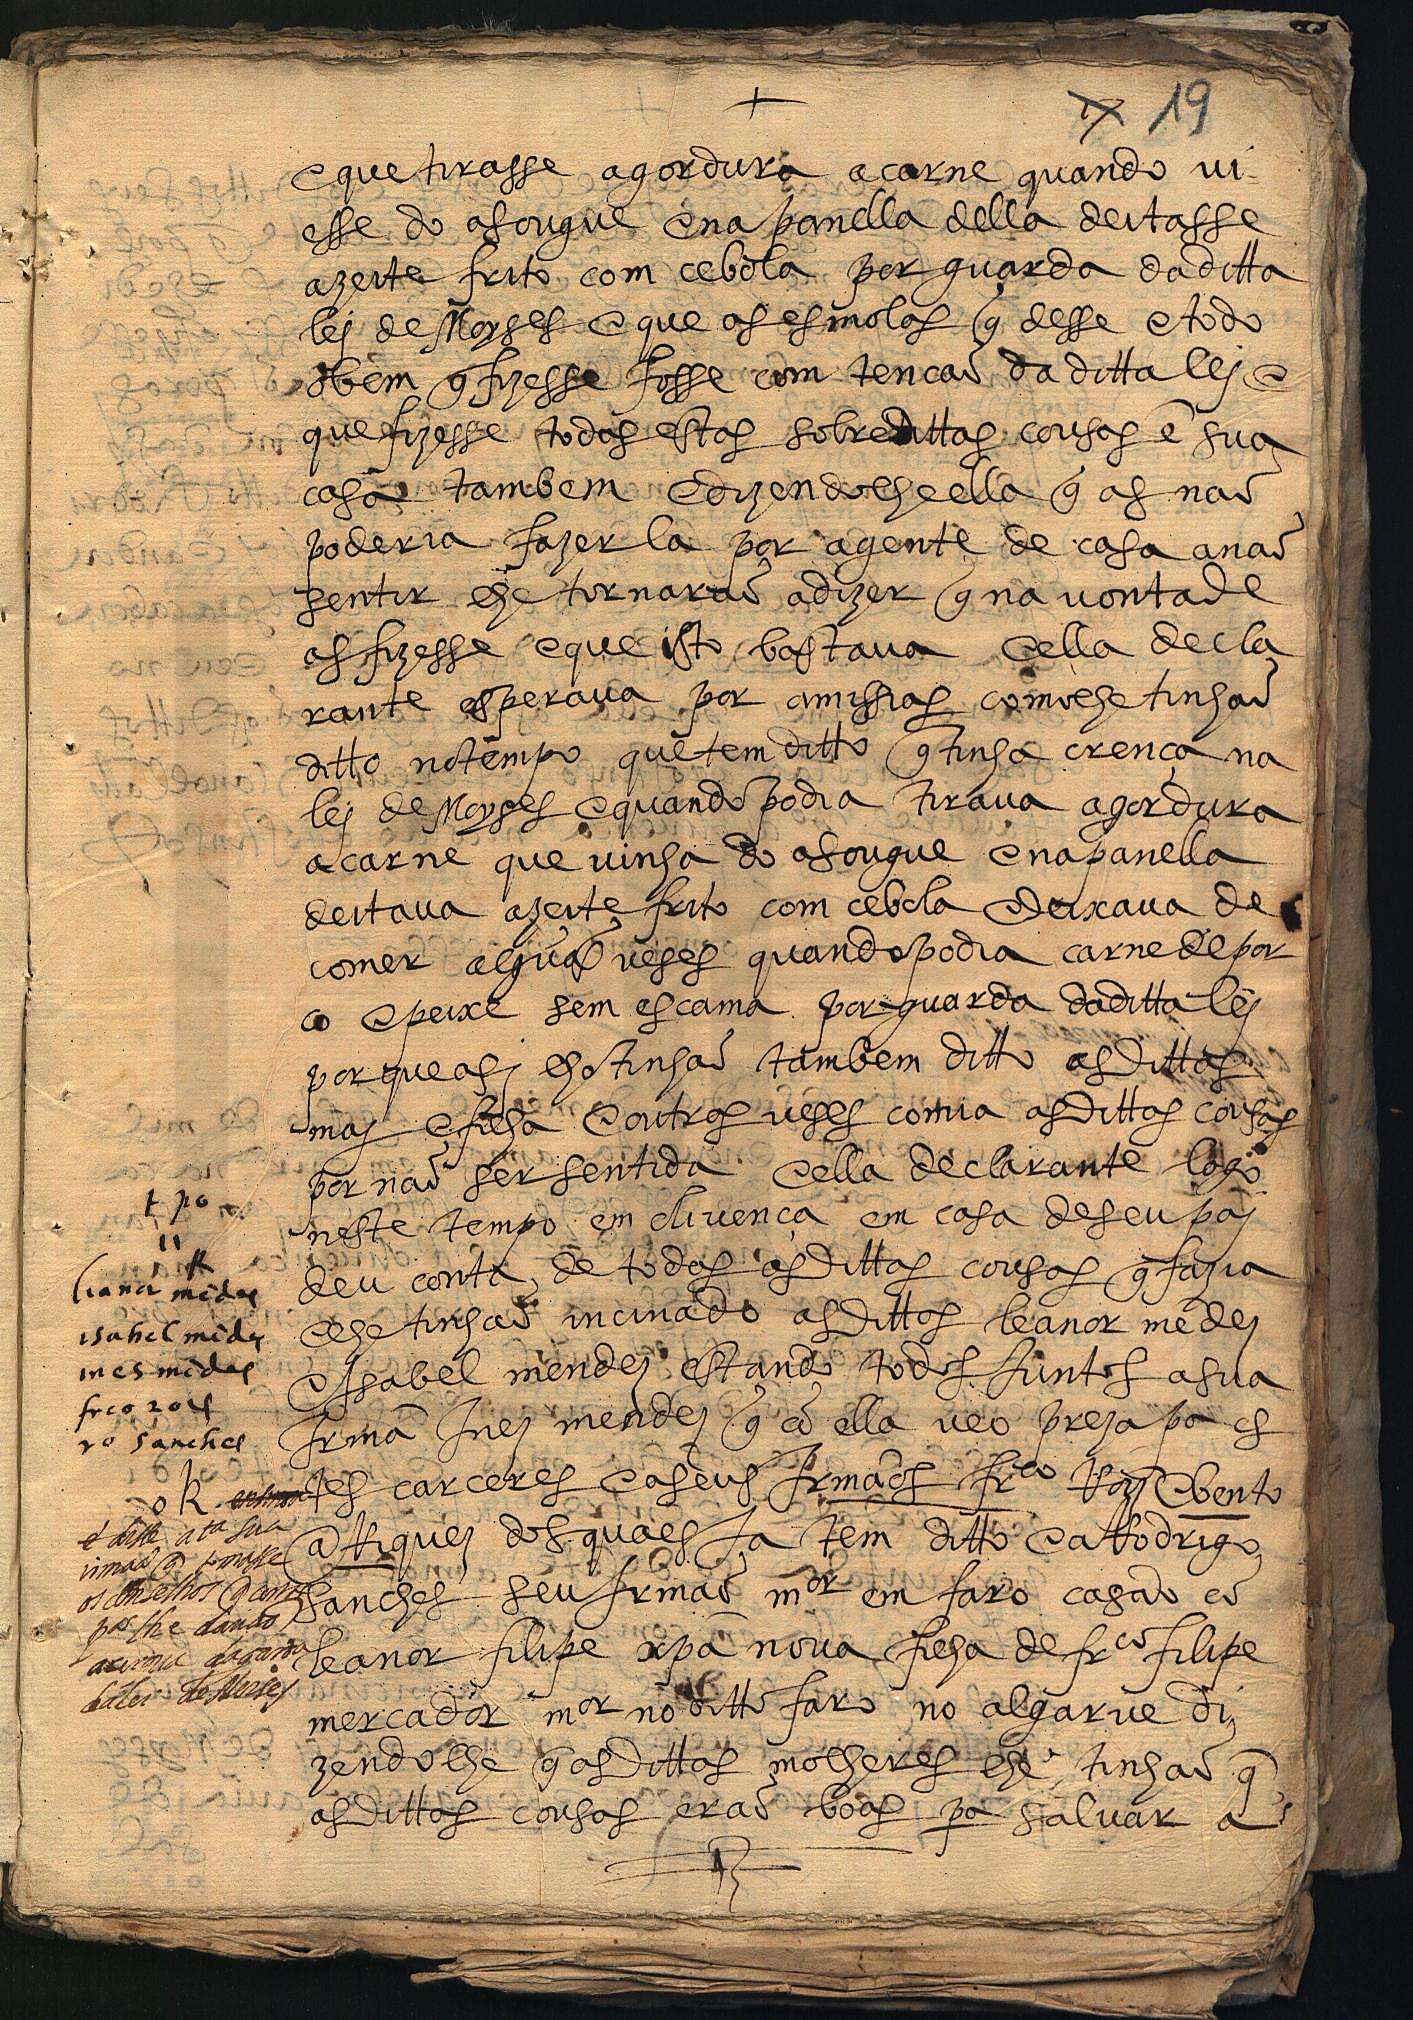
e que tirasse a gordura a carne quando ui
esse do asougue e na panella della deitasse
azeite frito com cebola per guarda da ditta
lej de Moyses e que as esmolas q̄ desse e todo
o bem q̄ fizesse fosse com tençaõ da ditta lej e
que fizesse todas estas sobredittas cousas ē sua
casa tambem e dizendolhe ella q̄ as naõ
poderia fazer la por a gente de casa a naõ
sentir lhe tornaraõ a dizer q̄ na uontade
as fizesse e que isto bastaua e ella decla
rante esperaua por o missias como lhe tinhaõ
ditto no tempo que tem ditto q̄ tinha crença na
lej de Moyses e quando podia tiraua a gordura
a carne que uinha do asougue e na panella
deitaua azeite frito com cebola e deixaua de
comer algūas ueses quando podia carne de por
co e peixe sem escama por guarda da ditta lej
porque asj lho tinhaõ tambem ditto as dittas
maj e filha e outras ueses comia as dittas cousas
por naõ ser sentida e ella declarante logo
tpo
11
neste tempo em oliuença em casa de seu paj
1 R
lianor mēdes
isabel mēdes
ines mēdes
frco rois
ro sanches
deu conta, de todas as dittas cousas q̄ fazia
e lhe tinhaõ incinado as dittas leanor mēdez
e Jsabel mendez estando todos Juntos a sua
Jrmã Jnez mendez q̄ cō ella ueo preza pa es
tes carceres e a seus Jrmaõs frco Roiz̄ e bento
disse a ta sua
irmaã q̄ tomasse
os conselhos q̄ certa
pas lhe dando
acerqua da garda
da lei de Moises
āRiquez dos quaes Ja tem ditto e a Rodrigo
sanches seu Jrmaõ mor em faro casado cō
leanor filipe xpā noua filha de frco filipe
mercador mor no ditto faro no algarue di
zendolhe q̄ as dittas molheres lhe tinhaõ q̄
as dittas cousas eraõ boas ꝑa saluar a
